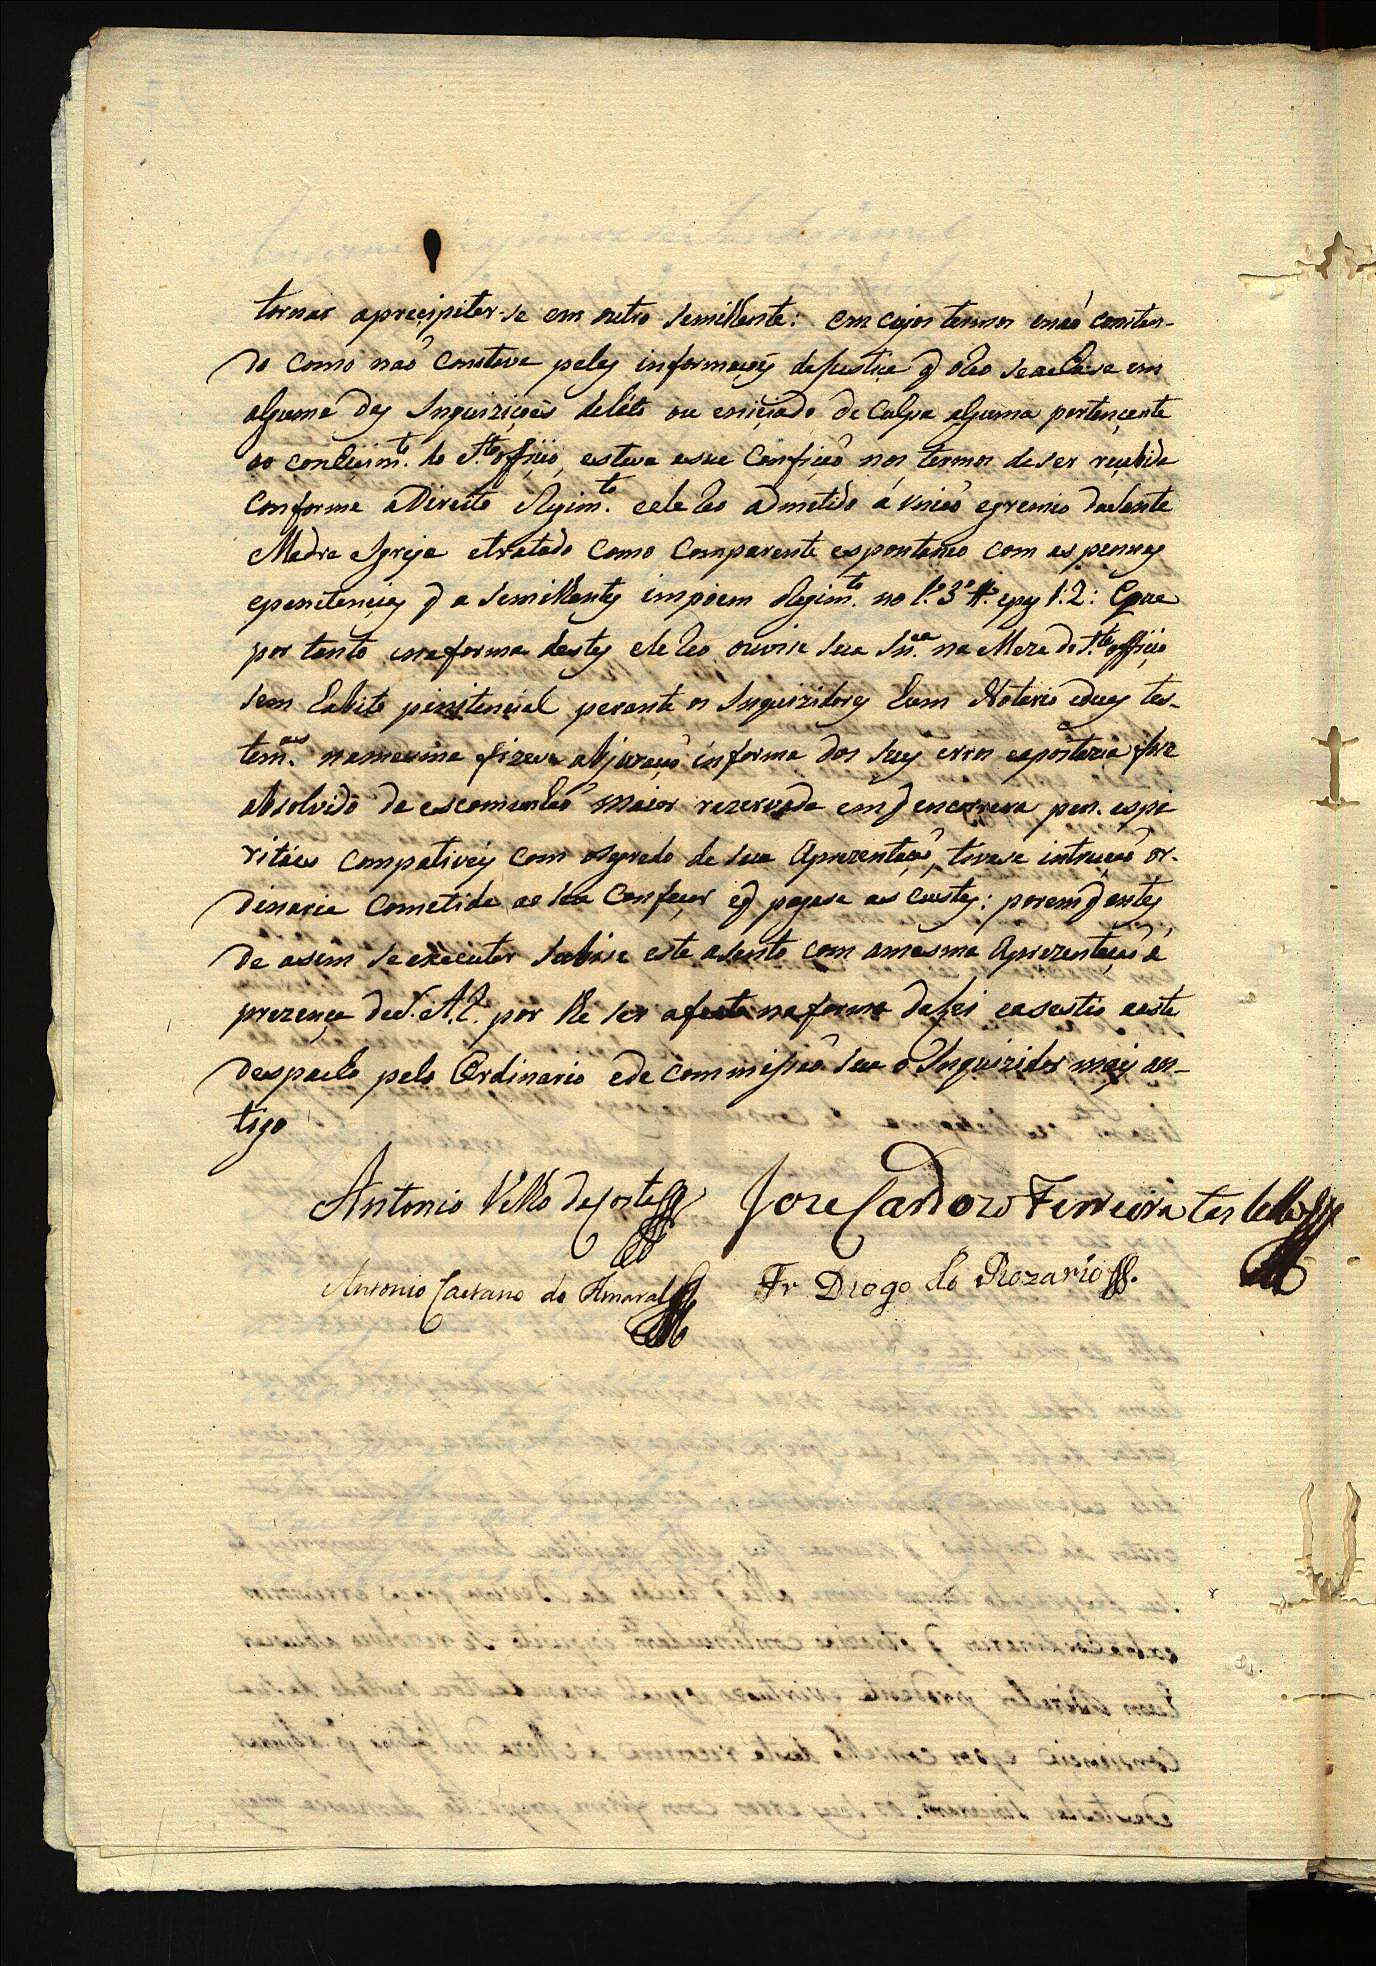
tornar a precipitar-se em outro semilhente. em cujos termos e naõ conten
do como naõ constava pelas informaçoẽs da Justiça q̄ o Reo se achase em
alguma das Inquiziçoẽs delito ou eniciado de culpa alguma pertencente
ao conhecim.to do S.to officio, estava a sua confição nos termos de ser recebida
conforme a Direito e Regim.to e ele Reo admetido á vniaõ e gremio da Santa
Madre Igreja e tratado como comparente espontaneo com as pennas
e penitencias q̄ a semilhantes impoem o Regim.to no l.o 3o tt.o e pag 1:2: E que
portanto e na forma destes ele Reo ouvise sua Sn.ca na Meza do S.to officio
sem habito penitencial perante os Inquizidores hum Notario e duas tes
tem.as na mesma fizese abjuraçaõ informa dos seus erros e apostazia fose
absolvido de escomunhaõ maior rezervada em q̄ encorrera pen. espe
ritaes compativeis com o segredo de sua Aprezentaçaõ, tivese intruçaõ or
dinaria cometida ao seu confeçor e q̄ pagase as custas: porem q̄ antes
de asim se executar subise este asento com a mesma Aprezentaçaõ á
prezença de S. A. R. pôr lhe ser afesta na forma da Lei e asistio a este
despacho pelo Ordinario e de commissaõ sua o Inquizidor mais an
tigo
Antonio Velho de Costa Joze Cardozo Ferreira
Antonio Caetano do Amaral
Fr. Diogo do Rozario
